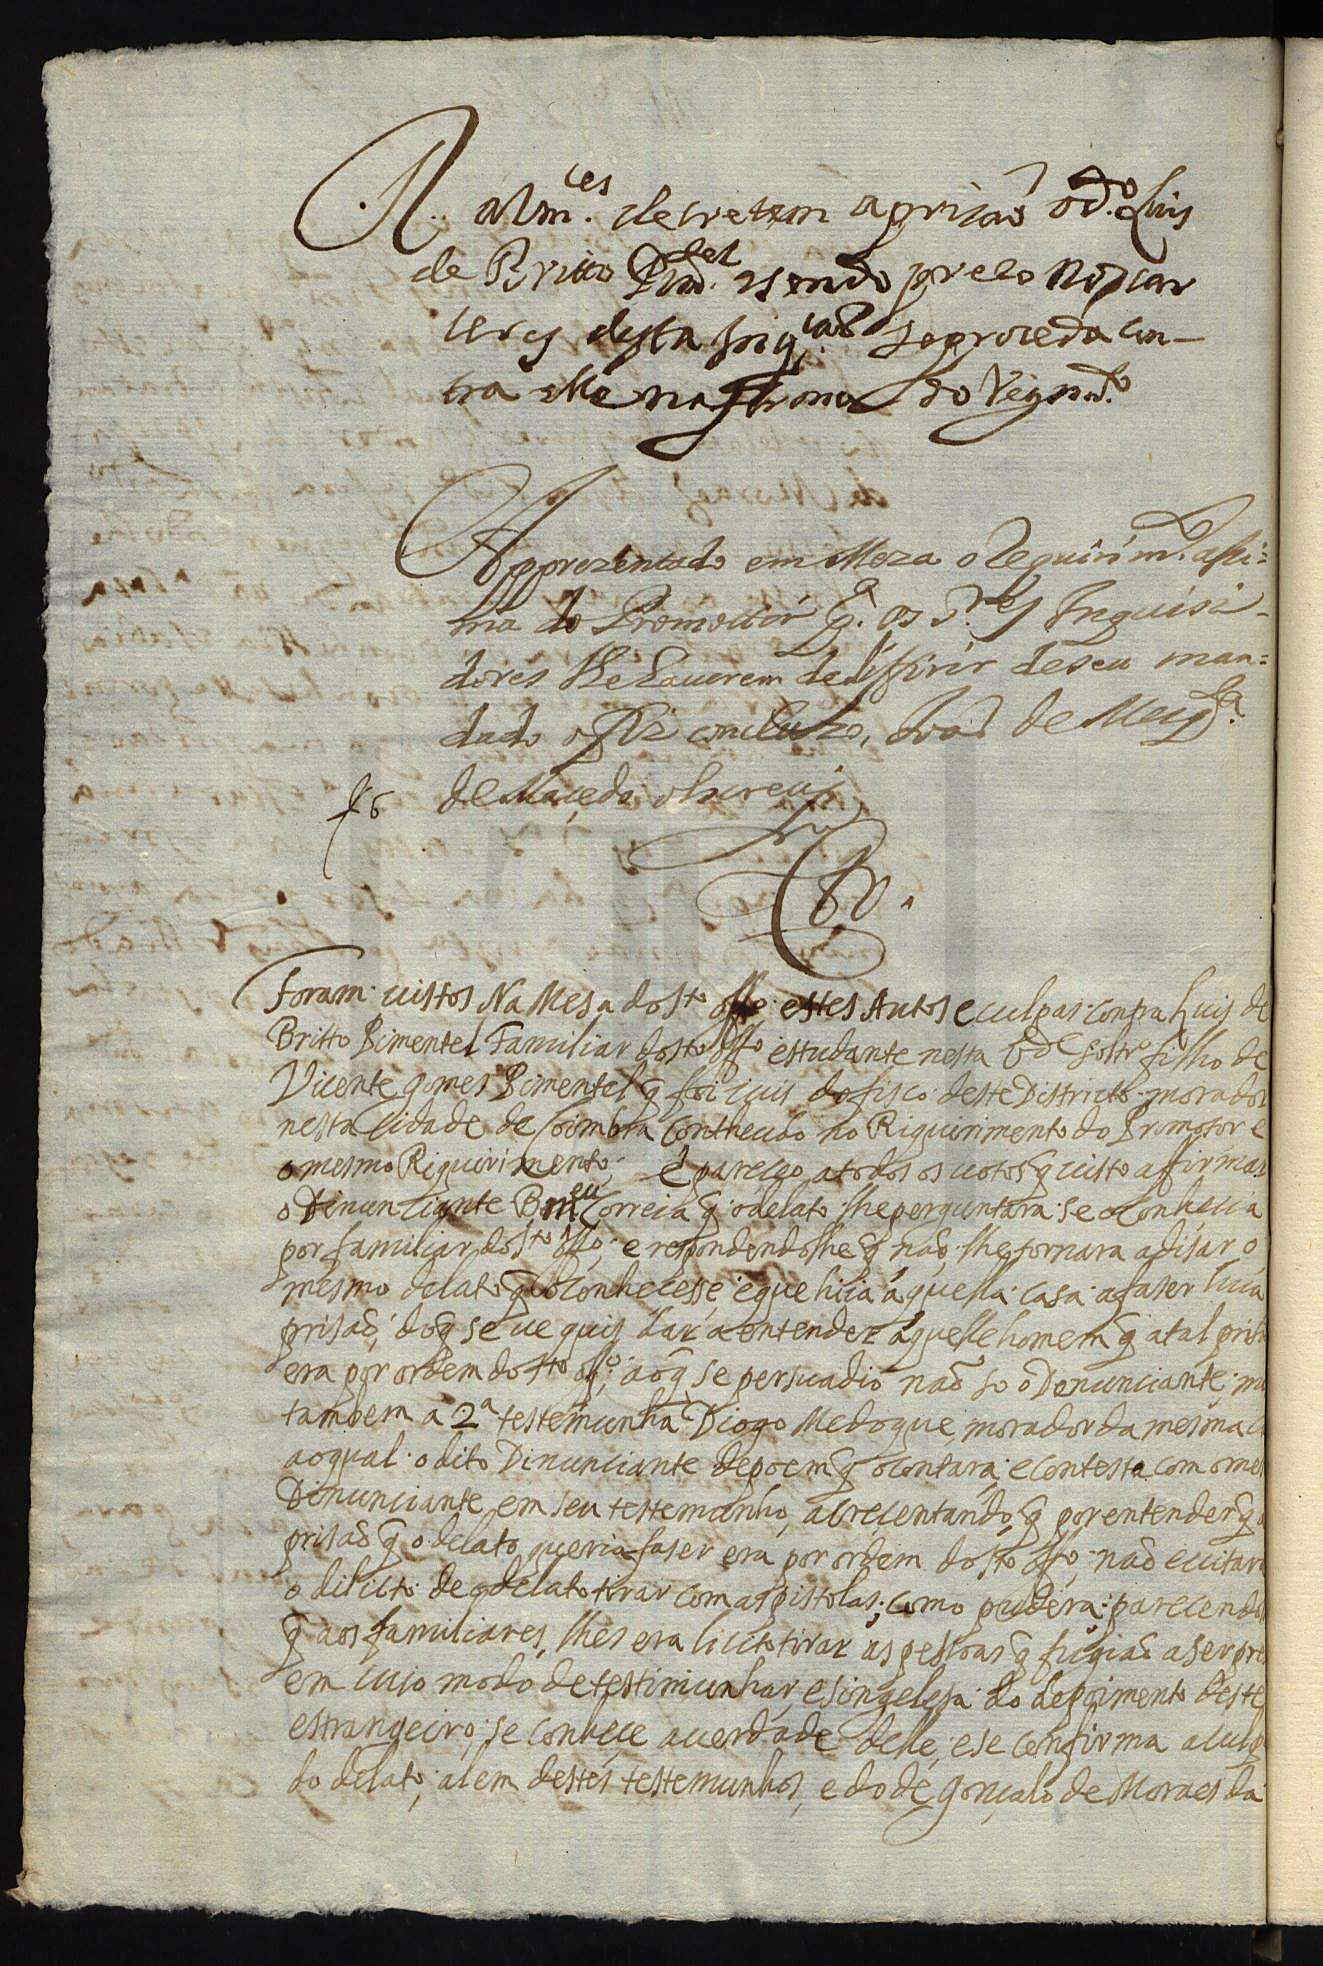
R. a Vm.ces decretem a prizaõ o d.o Luis
de Britto Pim.tel E sendo prezo nos car
ceres desta Inq.çaõ se proceda con
tra elle na forma do Regim.to
Apprezentado em Meza o Requerim.to assi
ma do Promottor p.a os s.res Inquisi
dores lhe hauerem de diffirir de seu man
dado o fiz concluzo, Ioaõ de Mesq.ta
de Macedo o Escreuj
Clo.
Foram uistos Na Mesa do Sto offo. estes Autos e culpas contra Luis de
Britto Pimentel Familiar do sto offo estudante nesta Vde soltro filho de
Vicente Gomes Pimentel q̄ foi iuis do fisco deste Districto morador
nesta cidade de Coimbra contheudo no Riquirimento do Promotor, e
o mesmo Riquirimento; E pareceo a todos os uotos q̄ uisto affirmar
o Denunciante Bmeu Correia q̄ o delato lhe perguntara se o Conhecia
por familiar do Sto offo, e respondendolhe q̄ naõ; lhe tornara a disar o
mesmo delato q̄ o conhecesse, e que hia áquella casa a fazer huā
prisaõ, do q̄ se ue quis dar a entender áquelle homem q̄ a tal pris
era por ordem do sto off.o ao q̄ se persuadio naõ so o Denunciante, m
tambem a 2a testemunha Diogo Medoque, morador da mesma
ao qual o dito Denunciante depoem q̄ o contara; e contesta com o me
Dinunciante, em seu testemunho, acrecentando, q̄ por entender q̄
prisaõ q̄ o delato queria fazer era por ordem do sto offo naõ euitar
o dilicto de o delato tirar com as pistolas; como pudera; parecendo
q̄ aos familiares, lhes era licito tirar ás pessoas q̄ fugiaõ a ser pre
em cuio modo de testimunhar, e singelesa do depoimento deste
estrangeiro, se conhece a uerdade delle, e se confirma a culp
do delato, alem destes testemunhos, e do de Gonçalo de Moraes da
